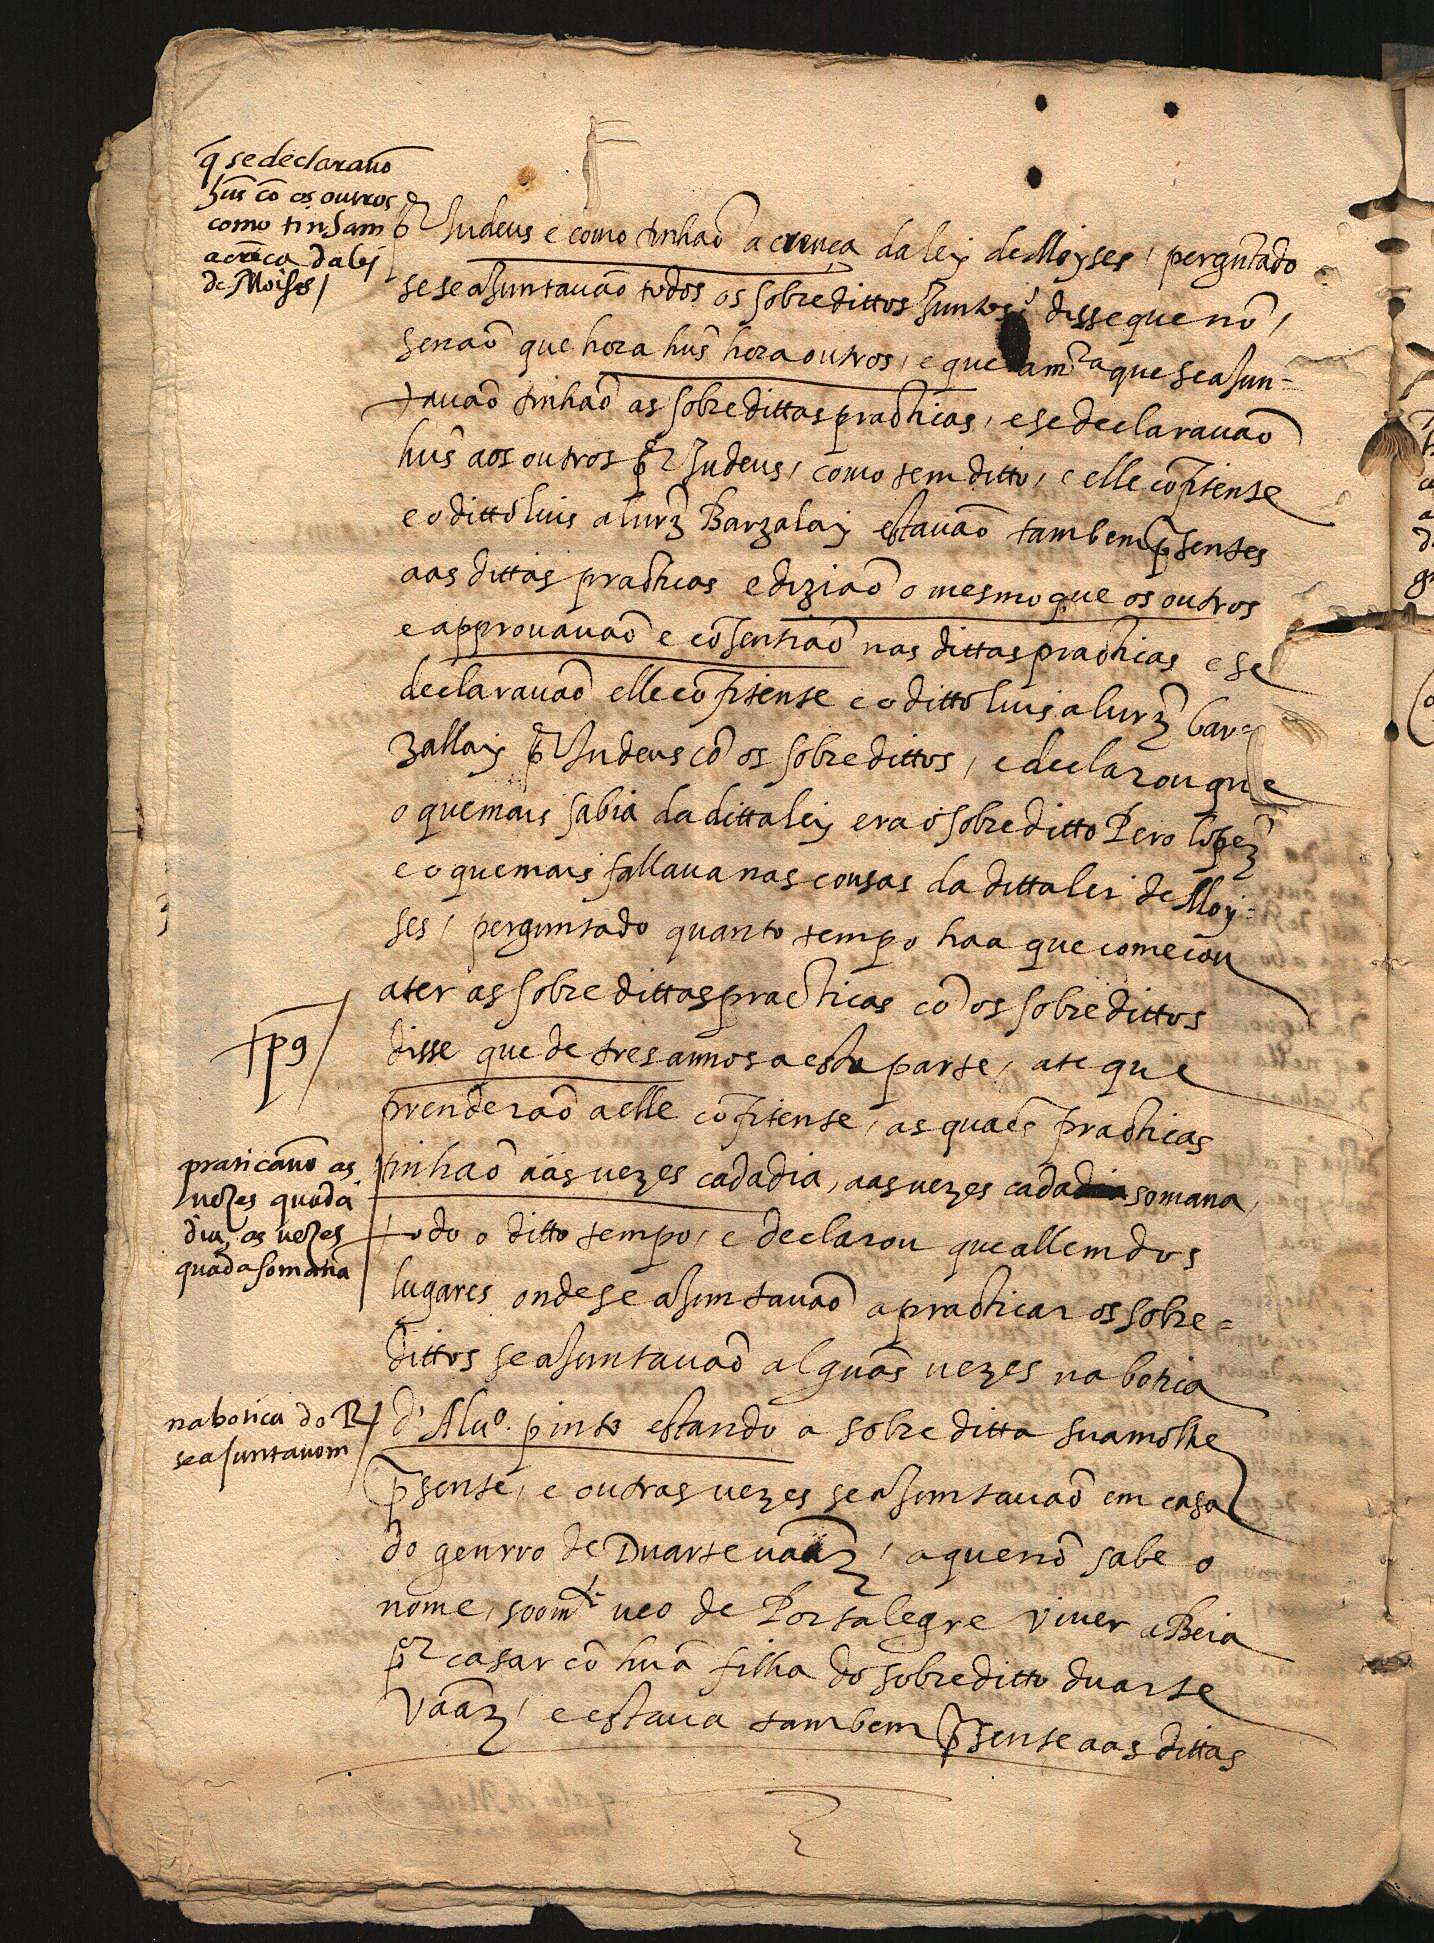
q̄ se declarauō
hūs cō os outros
como tinham
a crēça da lej
de Moises /
tp̄ꝯ /
praticauō as
uezes quada
dia, as uezes
quada somana
na botica do R
se aJuntauom
por Iudeus e como tinhaõ a crença da ley de Moyses, pergūtado
se se aJuntauão todos os sobredittos Juntos? disse que nō /
senaõ que hora hūs hera outros, e que a mra que se aJun
tauaõ tinhaõ as sobredittas practicas, e se declarauaõ
hus̄ aos outros por Judeus, como tem ditto, e elle cōfitente
e o ditto luis alurz̄ Barzalay estauão tambem p̄sentes
aas dittas practicas e diziaõ o mesmo que os outros
e approuauaõ e cōsentiaõ nas dittas practicas e se
declarauão elle cōfitente e o ditto luis alurz̄ bar
zallay por Judeus cō os sobredittos, e declarou que
o que mais sabia da ditta ley era o sobreditto Pero lopez̄
e o que mais fallaua nas cousas da ditta lei de Moy
ses, perguntado quanto tempo haa que começou
a ter as sobredittas practicas cō os sobredittos
disse que de tres annos a esta parte, ate que
prenderaõ a elle cōfitente, as quaes practicas
tinhaõ aas uezes cada dia, aas uezes cada dia somana,
todo o ditto tempo, e declarou que allem dos
lugares onde se aJuntauão a practicar os sobre
dittos se aJuntauaõ alguās uezes na botica
d'Aluo. pinto estando a sobreditta sua molher
p̄sente, e outras uezes se aJuntauaõ em casa
do genrro de Duarte uaāz, a que nō sabe o
nome, soomte ueo de Portalegre viuer a Beia
por casar cō huā filha do sobreditto duarte
Vaāz, e estaua tambem p̄sente aas dittas
